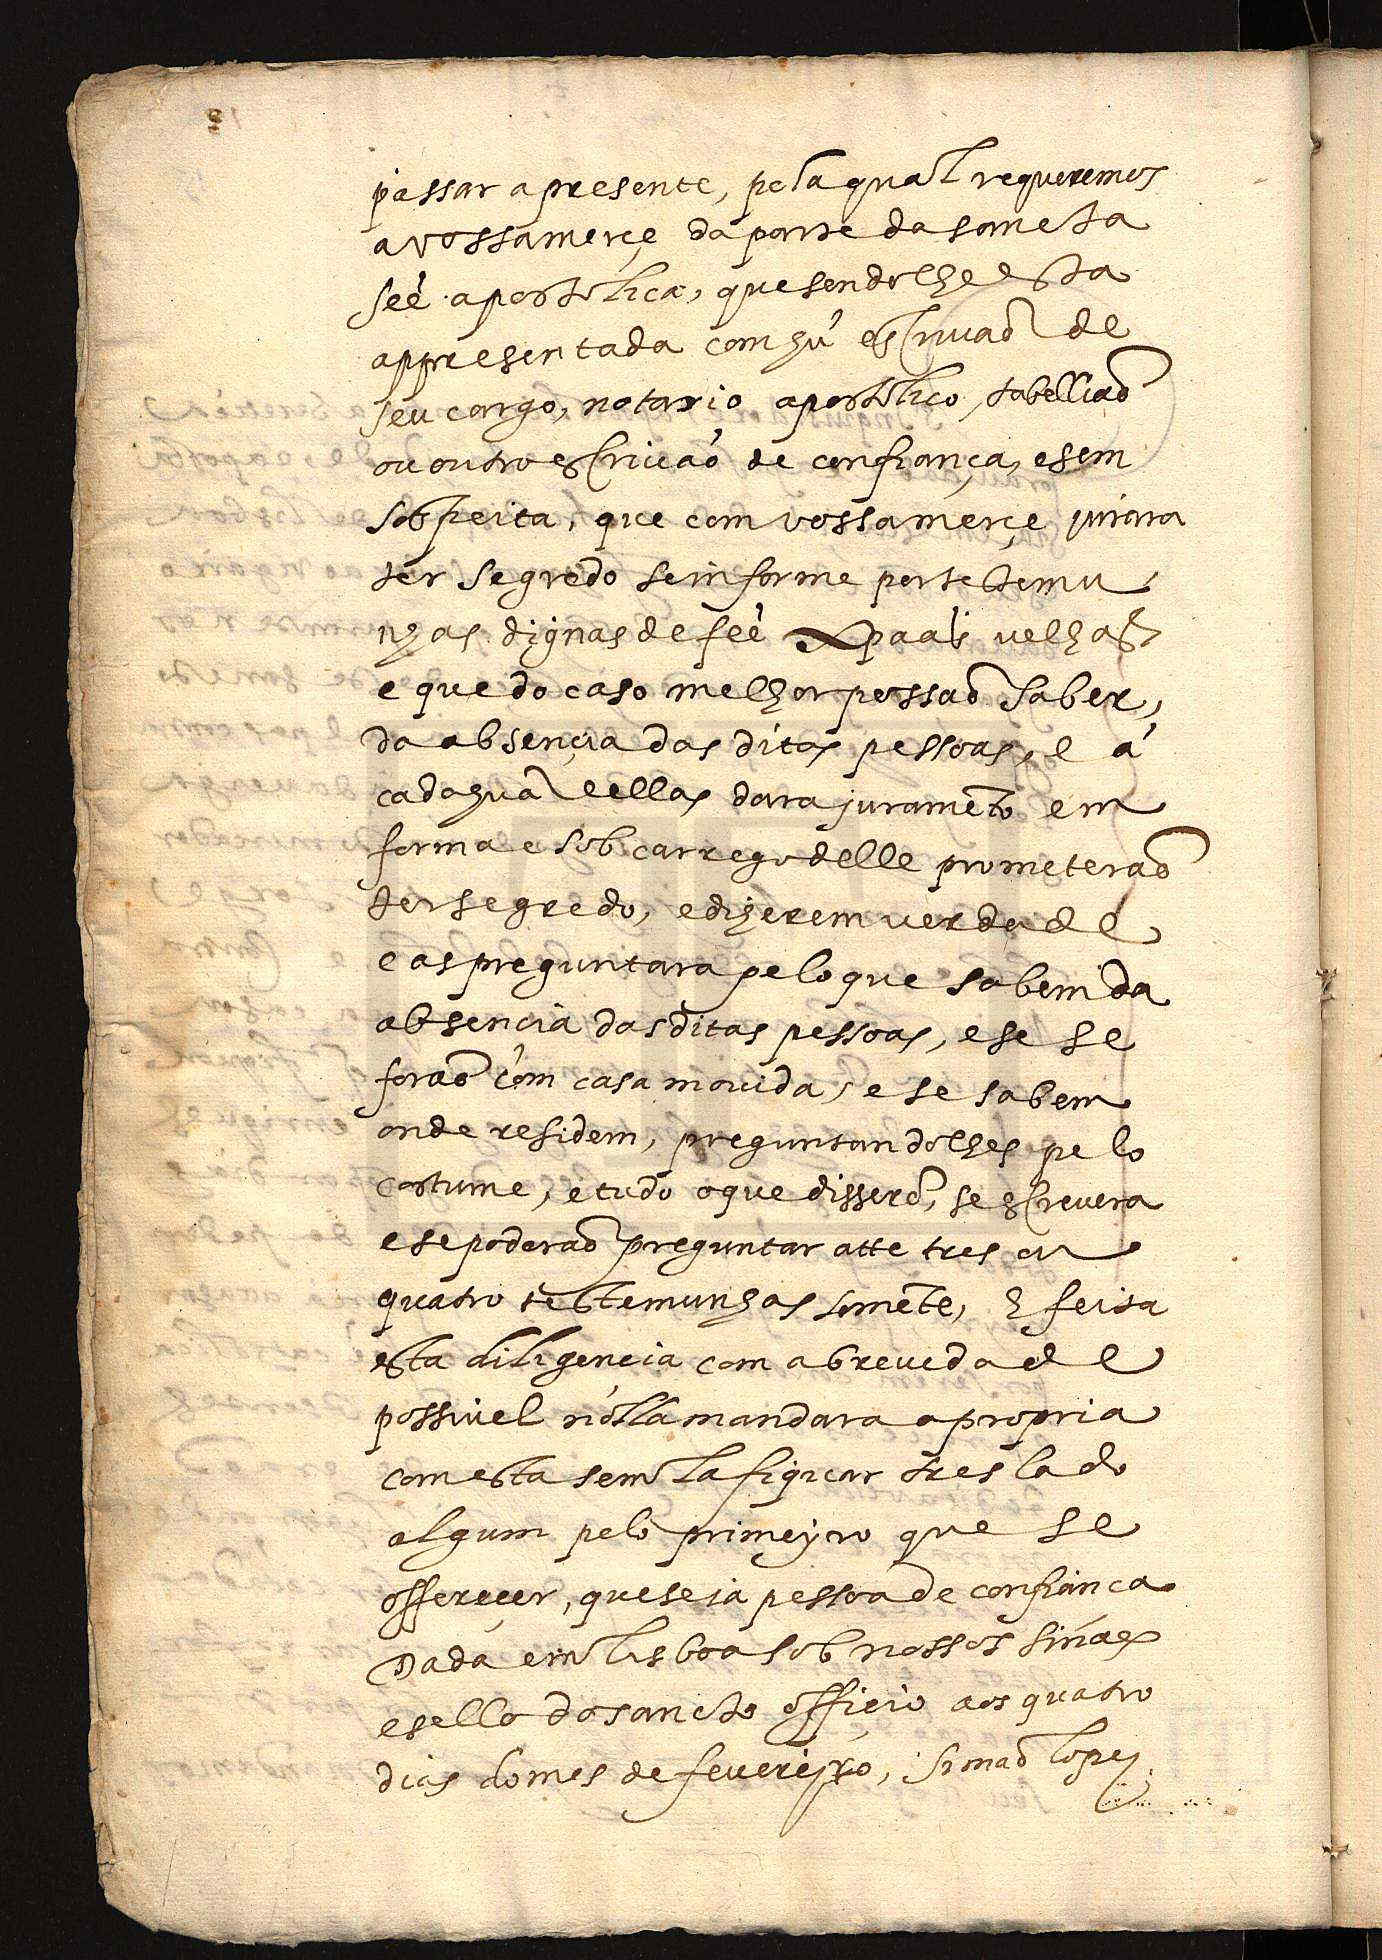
passar a presente, pela qual requeremos
a vossa merçe da parte da sancta
seé apostolica, que sendolhe esta
appresentada com hū esCriuaõ de
seu cargo, notario apostolico, tabelliaõ
ou outro esCriuaõ de confiança, e sem
sospeita, que com vossa merçe jurara
ter segredo se informe por testemu
nhas dignas de feé Xpaãs uelhas
e que do caso melhor possaõ saber,
da absençia das ditas pessoas, e á
cada huā dellas dara juramēto em
forma e sob carrego delle prometeraõ
ter segredo, e dizerem uerdade
e as preguntara pelo que sabem da
absençia das ditas pessoas, e se se
foraõ com casa mouida, e se sabem
onde residem, preguntandolhes pelo
costume, e tudo o que disserā, se escreuera
e se poderaõ preguntar atte tres ou
quatro testemunhas somēte, E feita
esta diligençia com a breuidade
possiuel nolla mandara a propria
com esta sem La fiquar treslado
algum pelo primeyro que se
offereçer, que seia pessoa de confiança
Dada em Lisboa sob nossos sinaes
e sello do sancto offiçio aos quatro
dias do mes de Feuereiro, Simaõ lopez
